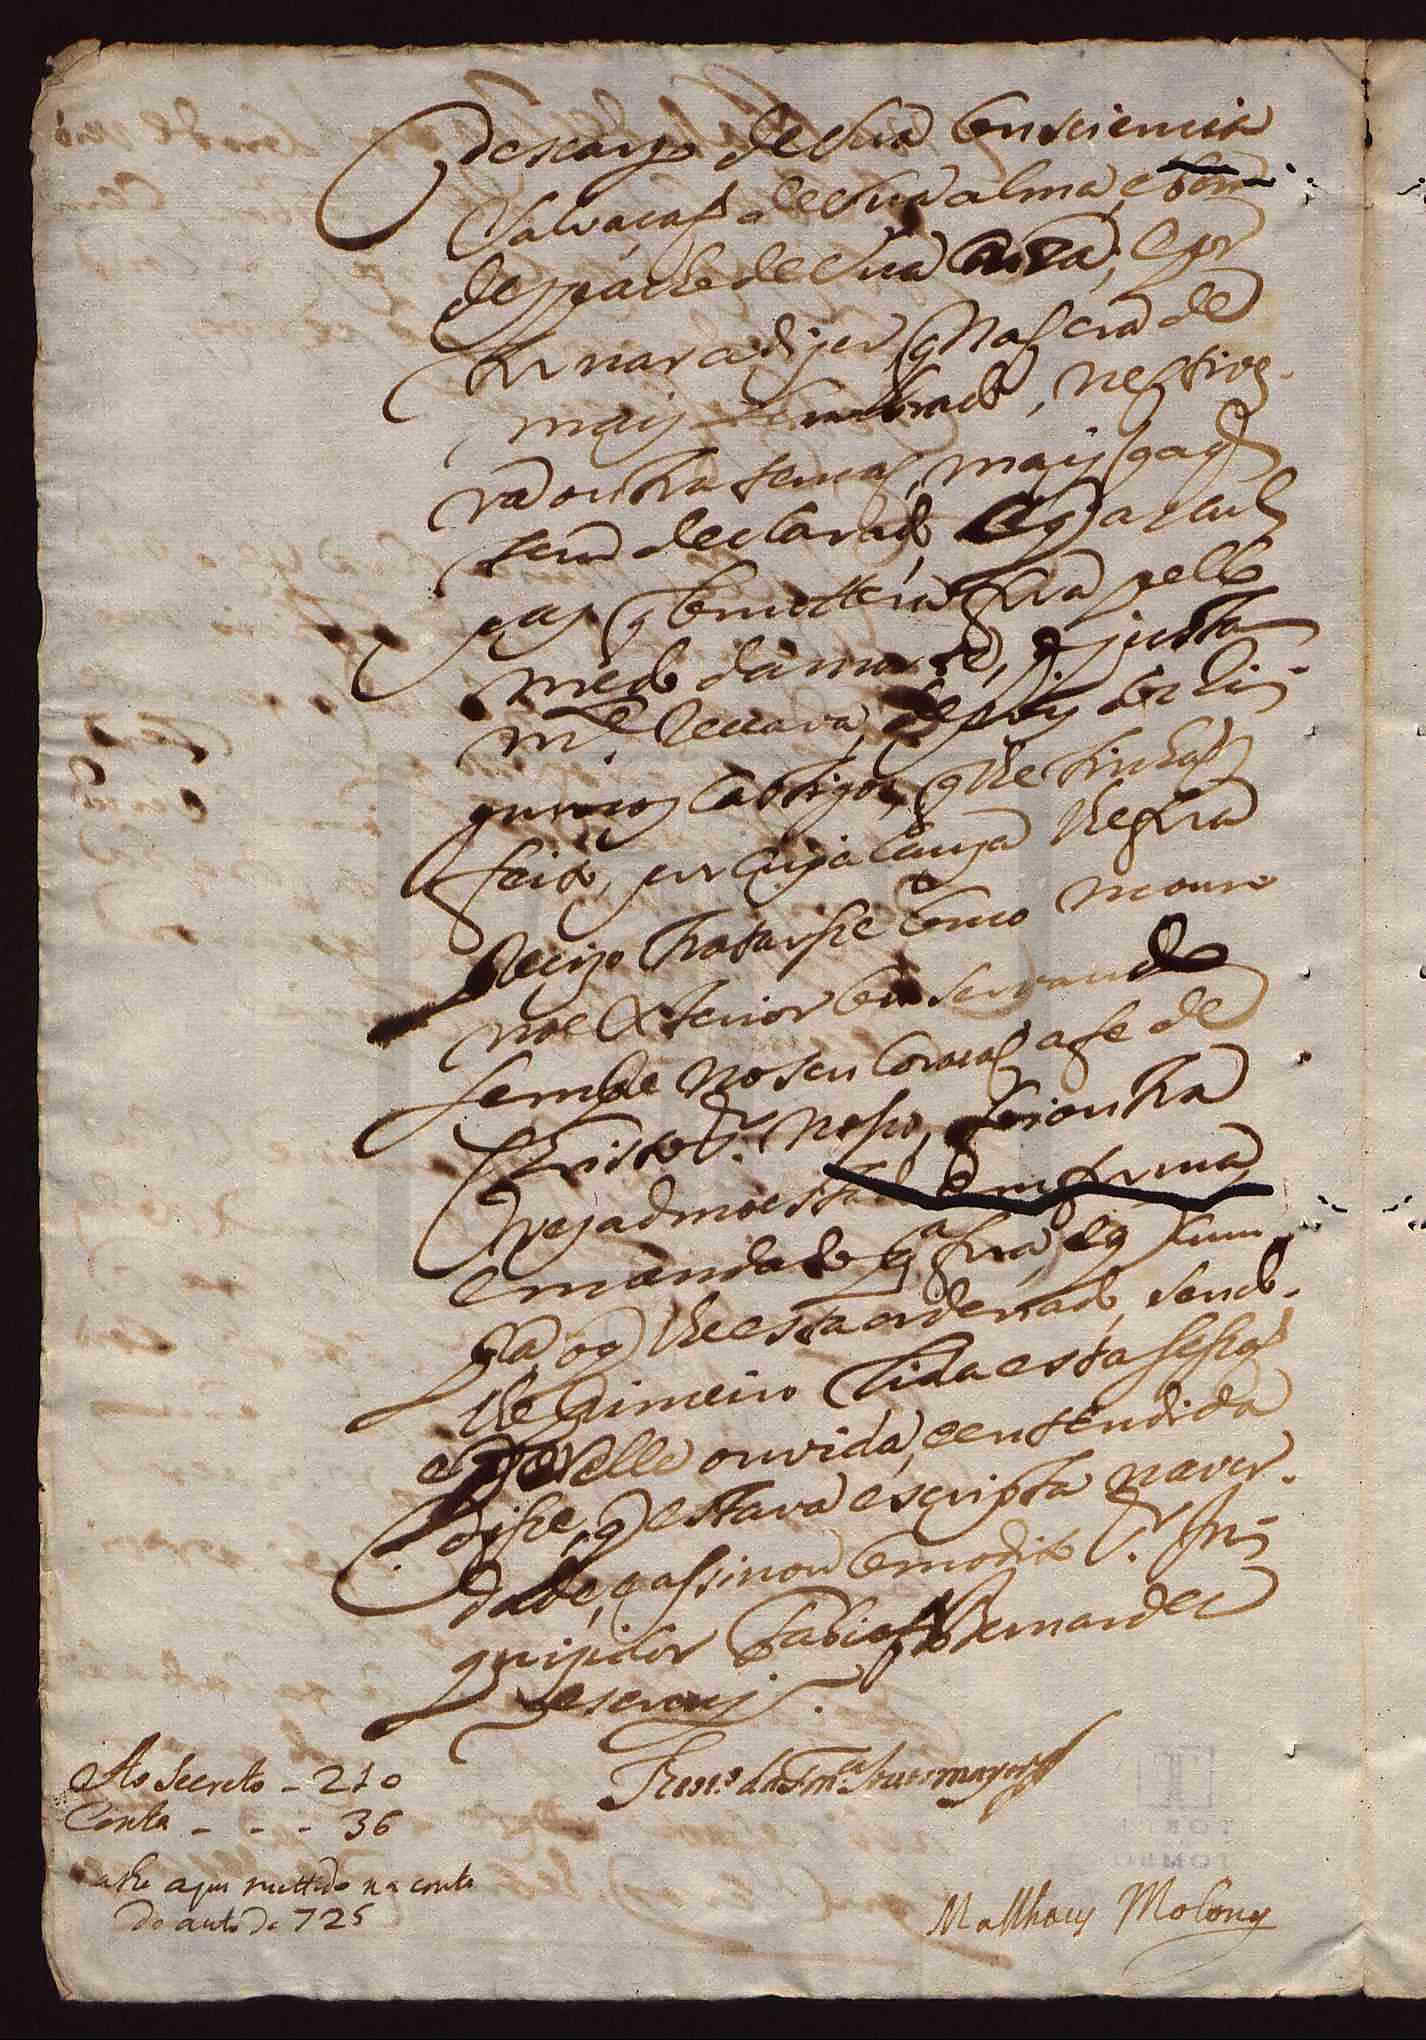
descargo de sua consciencia
Salvaçaõ de Sua alma, e bom
despacho de sua cauza, e por
tonar a dizer q̄ naõ era de
mais Lembrado, nē tive
ra outra tençaõ, mais q̄ a q̄
tem declarado, e q̄ as cul
pas q̄ cometteu fora pello
medo da morte, q̄ justa
m.te Receava, depois dos Ri
gurozos castigos, q̄ lhe tinhaõ
feito, por cuja cauza lhe fora
pRecizo tratarsse Como Mouro
no exterior Conservando
sempRe no seu Coraçaõ a fe de
Christo s.r nosso, foi outra
ves admoestad_ em forma,
e mandado pa fora, e q̄ cum
pRa o q̄ lhe esta ordenado, sendo
lhe pRimeiro lida esta sessaõ
e por elle ouvida, e entendida
disse, q̄ estava escripta na ver
dade, e assinou Com o dito S.r Jn
quisidor Fabiaõ Bernardez
o escreui.
Ao secreto - 210
Theot.o da Fon.ca Soutomayor
Conta - - - 36
athe aqui mettido na conta
do auto de 725 Matheus Molony
